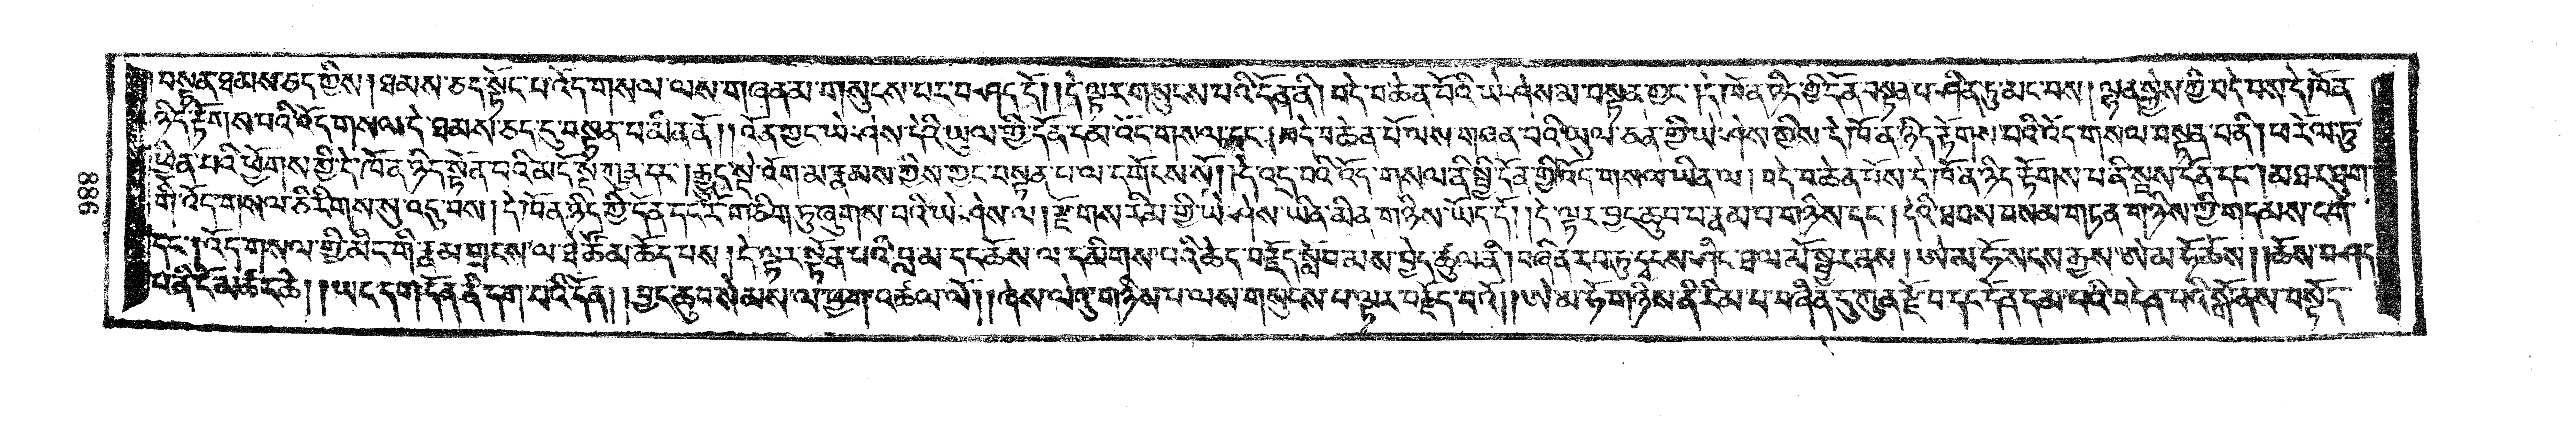བསྟན་ཐམས་ཅད་ཀྱིས། ཐམས་ཅད་སྟོང་པ་འོད་གསལ་ལས་གཞན་མ་གསུངས་པར་བཤད་དོ། །དེ་ལྟར་གསུངས་པའི་དོན་ནི། བདེ་བ་ཆེན་པོའི་ཡེ་ཤེས་མ་བསྟན་ཀྱང་། དེ་ཁོ་ན་ཉིད་ཀྱི་དོན་བསྟན་པ་ཤིན་ཏུ་མང་བས། ལྷན་སྐྱེས་ཀྱི་བདེ་བས་དེ་ཁོ་ན་
ཉིད་རྟོགས་པའི་འོད་གསལ་དེ་ཐམས་ཅད་དུ་བསྟན་པ་མིན་ནོ། །འོན་ཀྱང་ཡེ་ཤེས་དེའི་ཡུལ་གྱི་དོན་དམ་འོད་གསལ་དང་། བདེ་བ་ཆེན་པོ་ལས་གཞན་པའི་ཡུལ་ཅན་གྱི་ཡེ་ཤེས་ཀྱིས་དེ་ཁོ་ན་ཉིད་རྟོགས་པའི་འོད་གསལ་བསྟན་པ་ནི། ཕ་རོལ་ཏུ་
ཕྱིན་པའི་ཕྱོགས་ཀྱི་དེ་ཁོ་ན་ཉིད་སྟོན་པའི་མདོ་སྡེ་ཀུན་དང་། རྒྱུད་སྡེ་འོག་མ་རྣམས་ཀྱིས་ཀྱང་བསྟན་པ་ལ་དགོངས་སོ། །དེ་འདྲ་བའི་འོད་གསལ་ནི་སྤྱི་དོན་གྱི་འོད་གསལ་ཡིན་ལ། བདེ་བ་ཆེན་པོས་དེ་ཁོ་ན་ཉིད་རྟོགས་པ་ནི་སྦས་དོན་དང་། མཐར་ཐུག་
གི་འོད་གསལ་ཅི་རིགས་སུ་འདུ་བས། དེ་ཁོ་ན་ཉིད་ཀྱི་དོན་དང་རོ་གཅིག་ཏུ་ཞུགས་པའི་ཡེ་ཤེས་ལ། རྫོགས་རིམ་གྱི་ཡེ་ཤེས་ཡིན་མིན་གཉིས་ཡོད་དོ། །དེ་ལྟར་བྱང་ཆུབ་པ་རྣམ་པ་གཉིས་དང་། དེའི་ཐབས་བསམ་གཏན་གཉིས་ཀྱི་གདམས་ངག་
དང་། འོད་གསལ་གྱི་མིང་གི་རྣམ་གྲངས་ལ་ཐེ་ཚོམ་ཆོད་པས། དེ་ལྟར་སྟོན་པའི་བླ་མ་དང་ཆོས་ལ་དམིགས་པའི་ཆེད་བརྗོད་སློབ་མས་བྱེད་ཚུལ་ནི། བཞིན་རབ་ཏུ་དྭངས་ཤིང་ཐལ་མོ་སྦྱར་ནས། ཨེ་མ་ཧོ་སངས་རྒྱས་ཨེ་མ་ཧོ་ཆོས། །ཆོས་བཤད་
པ་ནི་ངོ་མཚར་ཆེ། །ཡང་དག་དོན་ནི་དག་པའི་དོན། །བྱང་ཆུབ་སེམས་ལ་ཕྱག་འཚལ་ལོ། །ཞེས་ལེའུ་གཉིས་པ་ལས་གསུངས་པ་ལྟར་བརྗོད་པའོ། །ཨེ་མ་ཧོ་གཉིས་ནི་རིམ་པ་བཞིན་དུ་ཀུན་རྫོབ་དང་དོན་དམ་པའི་བདེན་པའི་སྒོ་ནས་བསྟོད་